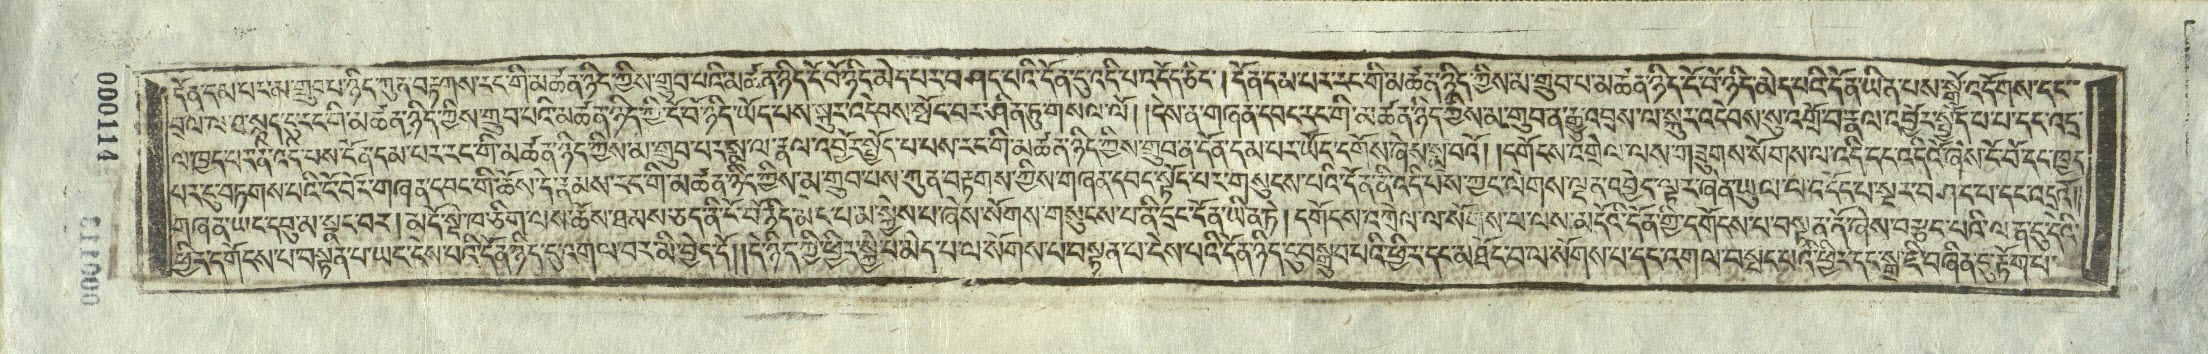དོན་དམ་པར་མ་གྲུབ་པ་ཉིད་ཀུན་བརྟགས་རང་གི་མཚན་ཉིད་ཀྱིས་གྲུབ་པའི་མཚན་ཉིད་ངོ་བོ་ཉིད་མེད་པར་བཤད་པའི་དོན་དུ་འདི་པ་འདོད་ཅིང་། དོན་དམ་པར་རང་གི་མཚན་ཉིད་ཀྱིས་མ་གྲུབ་པ་མཚན་ཉིད་ངོ་བོ་ཉིད་མེད་པའི་དོན་ཡིན་པས་སྒྲོ་འདོགས་དང་
བྲལ་ལ་ཐ་སྙད་དུ་རང་གི་མཚན་ཉིད་ཀྱིས་གྲུབ་པའི་མཚན་ཉིད་ཀྱི་ངོ་བོ་ཉིད་ཡོད་པས་སྐུར་འདེབས་སྤོང་བར་ཤིན་ཏུ་གསལ་ལོ། །དེས་ན་གཞན་དབང་རང་གི་མཚན་ཉིད་ཀྱིས་མ་གྲུབ་ན་རྒྱུ་འབྲས་ལ་སྐུར་འདེབས་སུ་འགྲོ་བ་རྣལ་འབྱོར་སྤྱོད་པ་པ་དང་འདྲ་
ལ་ཁྱད་པར་ནི་འདི་བས་དོན་དམ་པར་རང་གི་མཚན་ཉིད་ཀྱིས་མ་གྲུབ་པར་སྨྲ་ལ་རྣལ་འབྱོར་སྤྱོད་པ་པས་རང་གི་མཚན་ཉིད་ཀྱིས་གྲུབ་ན་དོན་དམ་པར་ཡོད་དགོས་ཞེས་སྨྲ་བའོ། །དགོངས་འགྲེལ་ལས་གཟུགས་སོགས་ལ་འདི་དང་འདིའོ་ཞེས་ངོ་བོ་དང་ཁྱད་
པར་དུ་བཏགས་པའི་ངོ་བོར་གཞན་དབང་གི་ཆོས་དེ་རྣམས་རང་གི་མཚན་ཉིད་ཀྱིས་མ་གྲུབ་པས་ཀུན་བརྟགས་ཀྱིས་གཞན་དབང་སྟོང་པར་གསུངས་པའི་དོན་ནི་འདི་པས་ཀྱང་ལེགས་ལྡན་འབྱེད་ལྟར་ཞེན་ཡུལ་ལ་འདོད་པ་སྔར་བཤད་པ་དང་འདྲའོ། །
གཞན་ཡང་དབུ་མ་སྣང་བར། མདོ་སྡེ་ཁ་ཅིག་ལས་ཆོས་ཐམས་ཅད་ནི་ངོ་བོ་ཉིད་མེད་པ་མ་སྐྱེས་པ་ཞེས་སོགས་གསུངས་པ་ནི་དྲང་དོན་ཡིན་ཏེ། དགོངས་འགྲེལ་ལ་སོགས་པ་ལས་མདོའི་དོན་གྱི་དགོངས་པ་བསྟན་ནོ་ཞེས་བརྩད་པའི་ལན་དུ་དེའི་
ཕྱིར་དགོངས་པ་བསྟན་པ་ཡང་ངེས་པའི་དོན་ཉིད་དུ་འགལ་བར་མི་བྱེད་དོ། །དེ་ཉིད་ཀྱི་ཕྱིར་སྐྱེ་བ་མེད་པ་ལ་སོགས་པ་བསྟན་པ་ངེས་པའི་དོན་ཉིད་དུ་བསྒྲུབ་པའི་ཕྱིར་དང་མཐོང་བ་ལ་སོགས་པ་དང་འགལ་བ་སྤང་པའི་ཕྱིར་དང་སྒྲ་ཇི་བཞིན་དུ་རྟོག་པ་